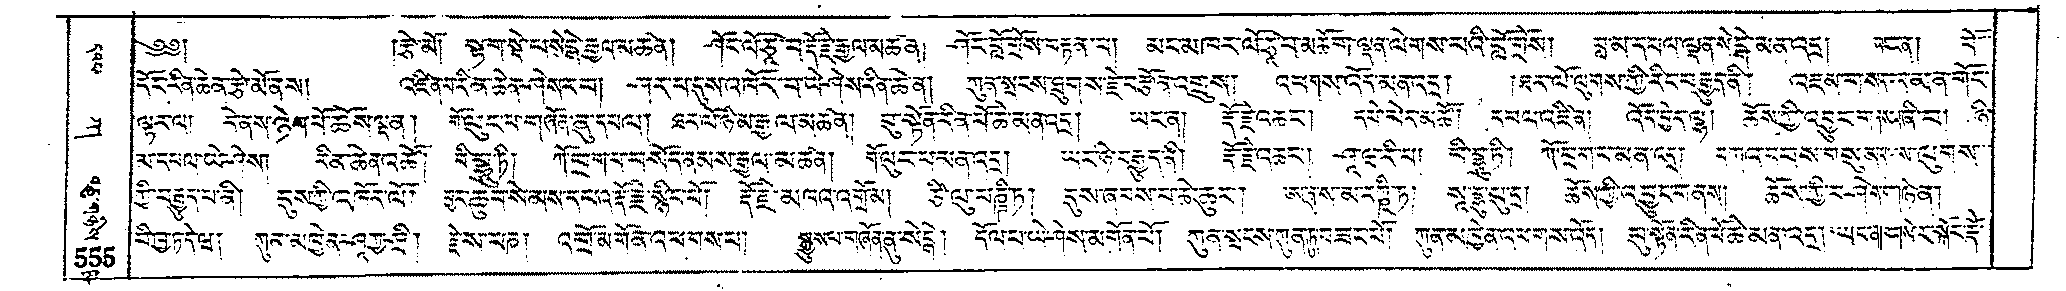༄༅། །རྩེ་མོ། སྟག་སྡེ་པ་སེངྒེ་རྒྱལ་མཚན། ཤོང་ལོ་ཙཱ་བ་རྡོ་རྗེ་རྒྱལ་མཚན། ཤོང་བློ་གྲོས་བརྟན་པ། མང་མཁར་ལོ་ཙཱ་བ་མ་ཆོག་ལྡན་ལེགས་པའི་བློ་གྲོས། བླ་མ་དཔལ་ལྡན་སེངྒེ་མན་འདྲ། ཡང་ན། བོ་
དོང་རིན་ཆེན་རྩེ་མོ་ནས། འཛིན་པ་རིན་ཆེན་ཤེས་རབ། ཤར་པ་དུས་འཁོར་བ་ཡེ་ཤེས་རིན་ཆེན། ཀུན་སྤངས་ཐུགས་རྗེ་བརྩོན་འགྲུས། འཕགས་འོད་མན་འདྲ། །ཐར་ལོ་ལུགས་ཀྱི་རིང་བརྒྱུད་ནི། འཇམ་གསར་བ་མན་གོང་
ལྟར་ལ། དེ་ནས་ཉེག་པོ་ཆོས་ལྡན། གོ་ལུང་པ་གཞོན་ནུ་དཔལ། ཐར་ལོ་ཉི་མ་རྒྱལ་མཚན། བུ་སྟོན་རིན་པོ་ཆེ་མན་འདྲ། ཡང་ན། རྡོ་རྗེ་འཆང་། དཔེ་མེད་མཚོ། དཔལ་འཛིན། འོད་བྱེད་ལྷ། ཆོས་ཀྱི་འབྱུང་གནས་ཞི་བ། ཉི་
མ་དཔལ་ཡེ་ཤེས། རིན་ཆེན་འཚོ། བིབྷཱུ་ཏི། ཀོ་བྲག་པ་བསོད་ནམས་རྒྱལ་མཚན། གོ་ལུང་པ་མན་འདྲ། ཡང་ཉེ་བརྒྱུད་ནི། རྡོ་རྗེ་འཆང་། ཤཱ་ཝ་རི་པ། བུབྷཱུ་ཏི། ཀོ་བྲག་པ་མན་འདྲ། བཀའ་བབས་གསུམ་པ་ས་ལུགས་
ཀྱི་བརྒྱུད་པ་ནི། དུས་ཀྱི་འཁོར་ལོ། བྱང་ཆུབ་སེམས་དཔའ་རྡོ་རྗེ་སྙིང་པོ། རྡོ་རྗེ་མཁའ་འགྲོ་མ། ཙི་ལུ་པཎྜི་ཏ། དུས་ཞབས་པ་ཆེ་ཆུང་། ཨ་ནུ་ས་མ་རཀྵི་ཏ། སཱ་དྷུ་པུ་དྲ། ཆོས་ཀྱི་འབྱུང་གནས། ཆོས་ཀྱི་བཤེས་གཉེན།
བི་ཁྱ་ཏ་དེ་ཝ། ཀུན་མཁྱེན་ཤཱཀྱ་ཤྲི། རྗེ་ས་པཎ། འགྲོ་མགོན་འཕགས་པ། སྒྱུས་པ་གཞོན་ནུས་སེངྒེ། དོལ་པ་ཡེ་ཤེས་མགོན་པོ། ཀུན་སྤངས་ཀུན་ཏུ་བཟང་པོ། ཀུན་མཁྱེན་འཕགས་འོད། བུ་སྟོན་རིན་པོ་ཆེ་མན་འདྲ། ཡང་ན། གསེར་སྐོང་རྡོ་